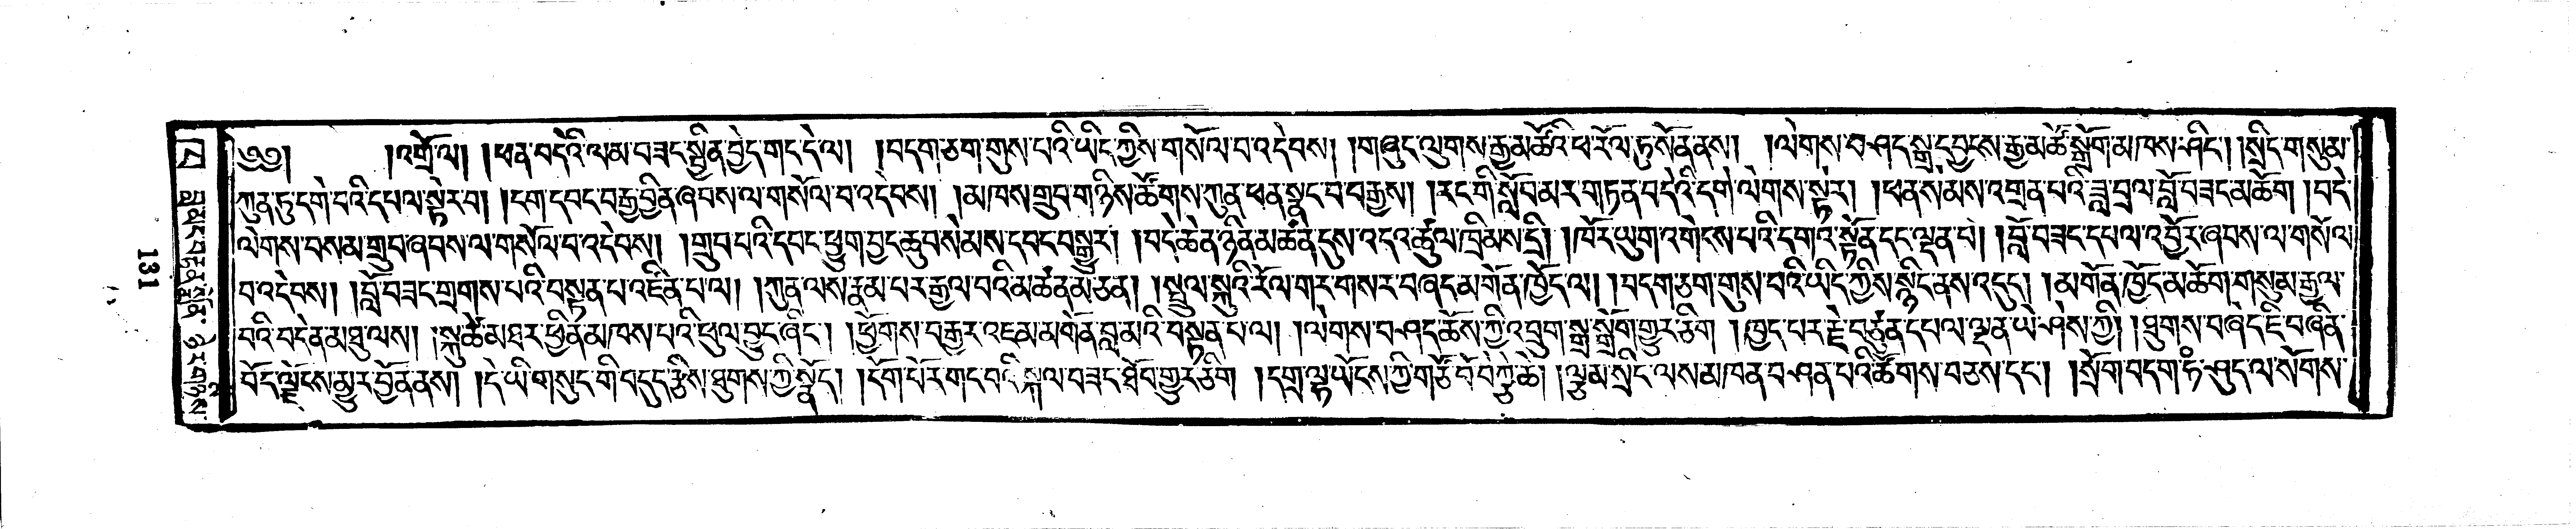༄༅། །འགྲོ་ལ། །ཕན་བདེའི་ལམ་བཟང་སྦྱིན་བྱེད་གང་དེ་ལ། །བདག་ཅག་གུས་པའི་ཡིད་ཀྱིས་གསོལ་བ་འདེབས། །གཞུང་ལུགས་རྒྱ་མཚོའི་ཕ་རོལ་ཏུ་སོན་ནས། །ལེགས་བཤད་སྒྲ་དབྱངས་རྒྱ་མཚོ་སྒྲོག་མཁས་ཤིང་། །སྲིད་གསུམ་
ཀུན་ཏུ་དགེ་བའི་དཔལ་སྟེར་བ། །ངག་དབང་བརྒྱ་བྱིན་ཞབས་ལ་གསོལ་བ་འདེབས། །མཁས་གྲུབ་གཉིས་ཚོགས་ཀུན་ཕན་སྣང་བ་བརྒྱས། །རང་གི་སློབ་མར་གཏན་བདེའི་དགེ་ལེགས་སྟེར། །ཕན་སེམས་འགྲན་པའི་ཟླ་བྲལ་བློ་བཟང་མཆོག །བདེ་
ལེགས་བསམ་གྲུབ་ཞབས་ལ་གསོལ་བ་འདེབས། །གྲུབ་པའི་དབང་ཕྱུག་བྱང་ཆུབ་སེམས་དབང་བསྒྱུར། །བདེ་ཆེན་ཉིན་མཚན་དུས་འདའ་ཚུལ་ཁྲིམས་དྲི། །ཁོར་ཡུག་འགེངས་པའི་དགའ་སྟོན་དང་ལྡན་པ། །བློ་བཟང་དཔལ་འབྱོར་ཞབས་ལ་གསོལ་
བ་འདེབས། །བློ་བཟང་གྲགས་པའི་བསྟན་པ་འཛིན་པ་ལ། །ཀུན་ལས་རྣམ་པར་རྒྱལ་བའི་མཚན་མ་ཅན། །སྦྲུལ་སྐུའི་རོལ་གར་གསར་བཞད་མགོན་ཁྱོད་ལ། །བདག་ཅག་གུས་པའི་ཡིད་ཀྱིས་སྙིང་ནས་འདུད། །མགོན་ཁྱོད་མཆོག་གསུམ་རྒྱལ་
བའི་བདེན་མཐུ་ལས། །སྐུ་ཚེ་མཐར་ཕྱིན་མཁས་པའི་ཕུལ་བྱུང་ཞིང་། །ཕྱོགས་བརྒྱར་འཇམ་མགོན་བླ་མའི་བསྟན་པ་ལ། །ལེགས་བཤད་ཆོས་ཀྱི་འབྲུག་སྒྲ་སྒྲོག་གྱུར་ཅིག །ཁྱད་པར་རྗེ་བཙུན་དཔལ་ལྡན་ཡེ་ཤེས་ཀྱི། །ཐུགས་བཞེད་ཇི་བཞིན་
བོད་ལྗོངས་མྱུར་བྱོན་ནས། །དེ་ཡི་གསུང་གི་བདུད་རྩིས་ཐུགས་ཀྱི་སྣོད། །དོག་པོར་གང་བའི་སྐལ་བཟང་ཐོབ་གྱུར་ཅིག །དགྲ་ལྷ་ཡོངས་ཀྱི་གཙོ་བོ་བེཀྩེ་ཆེ། །ལྕམ་སྲིང་ལས་མཁན་བཤན་པའི་ཚོགས་བཅས་དང་། །སྲོག་བདག་ཧཾ་ཤུད་ལ་སོགས་